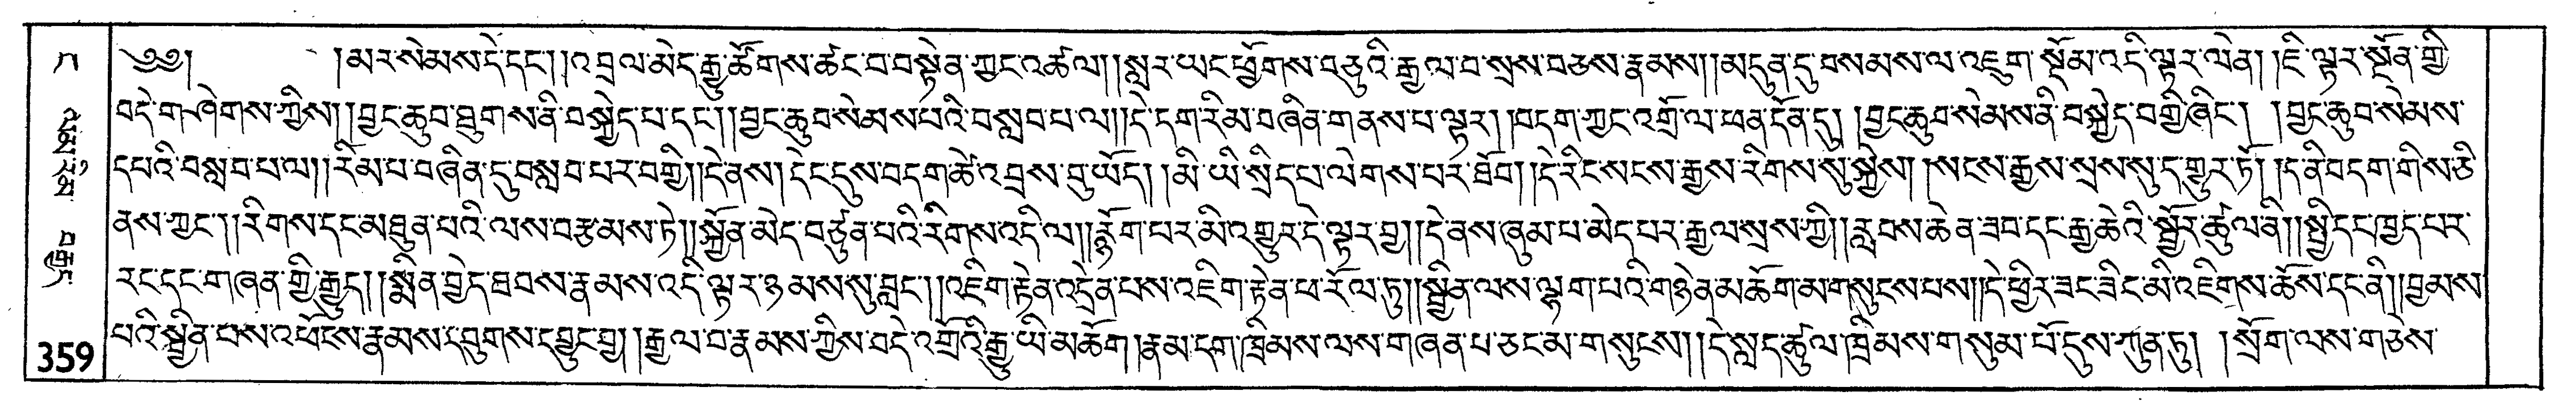༄༅། །མར་སེམས་དེ་དང་། །འབྲལ་མེད་རྒྱུ་ཚོགས་ཚང་བ་བསྟེན་ཀྱང་འཚལ། །སླར་ཡང་ཕྱོགས་བཅུའི་རྒྱལ་བ་སྲས་བཅས་རྣམས། །མདུན་དུ་བསམས་ལ་འཇུག་སྡོམ་འདི་ལྟར་ལེན། །ཇི་ལྟར་སྔོན་གྱི་
བདེ་གཤེགས་ཀྱིས། །བྱང་ཆུབ་ཐུགས་ནི་བསྐྱེད་པ་དང་། །བྱང་ཆུབ་སེམས་པའི་བསླབ་པ་ལ། །དེ་དག་རིམ་བཞིན་གནས་པ་ལྟར། །བདག་ཀྱང་འགྲོ་ལ་ཕན་དོན་དུ། །བྱང་ཆུབ་སེམས་ནི་བསྐྱེད་བགྱི་ཞིང་། །བྱང་ཆུབ་སེམས་
དཔའི་བསླབ་པ་ལ། །རིམ་པ་བཞིན་དུ་བསླབ་པར་བགྱི། །དེ་ནས། དེང་དུས་བདག་ཚེ་འབྲས་བུ་ཡོད། །མི་ཡི་སྲིད་པ་ལེགས་པར་ཐོབ། །དེ་རིང་སངས་རྒྱས་རིགས་སུ་སྐྱེས། །སངས་རྒྱས་སྲས་སུ་ད་གྱུར་ཏོ། །ད་ནི་བདག་གིས་ཅི་
ནས་ཀྱང་། །རིགས་དང་མཐུན་པའི་ལས་བརྩམས་ཏེ། །སྐྱོན་མེད་བཙུན་པའི་རིགས་འདི་ལ། །རྙོག་པར་མི་འགྱུར་དེ་ལྟར་བྱ། །དེ་ནས་ཞུམ་པ་མེད་པར་རྒྱལ་སྲས་ཀྱི། །རླབས་ཆེན་ཟབ་དང་རྒྱ་ཆེའི་སྦྱོར་ཚུལ་ནི། །སྤྱི་དང་ཁྱད་པར་
རང་དང་གཞན་གྱི་རྒྱུད། །སྨིན་བྱེད་ཐབས་རྣམས་འདི་ལྟར་ཉམས་སུ་བླང་། །འཇིག་རྟེན་འདྲེན་པས་འཇིག་རྟེན་ཕ་རོལ་ཏུ། །སྦྱིན་ལས་ལྷག་པའི་གཉེན་མཆོག་མ་གསུངས་པས། །དེ་ཕྱིར་ཟང་ཟིང་མི་འཇིགས་ཆོས་དང་ནི། །བྱམས་
པའི་སྦྱིན་པས་འཕོངས་རྣམས་དབུགས་དབྱུང་བྱ། །རྒྱལ་བ་རྣམས་ཀྱིས་བདེ་འགྲོའི་རྒྱུ་ཡི་མཆོག །རྣམ་དག་ཁྲིམས་ལས་གཞན་པ་ཅང་མ་གསུངས། །དེ་སླད་ཚུལ་ཁྲིམས་གསུམ་པོ་དུས་ཀུན་ཏུ། །སྲོག་ལས་གཅེས་